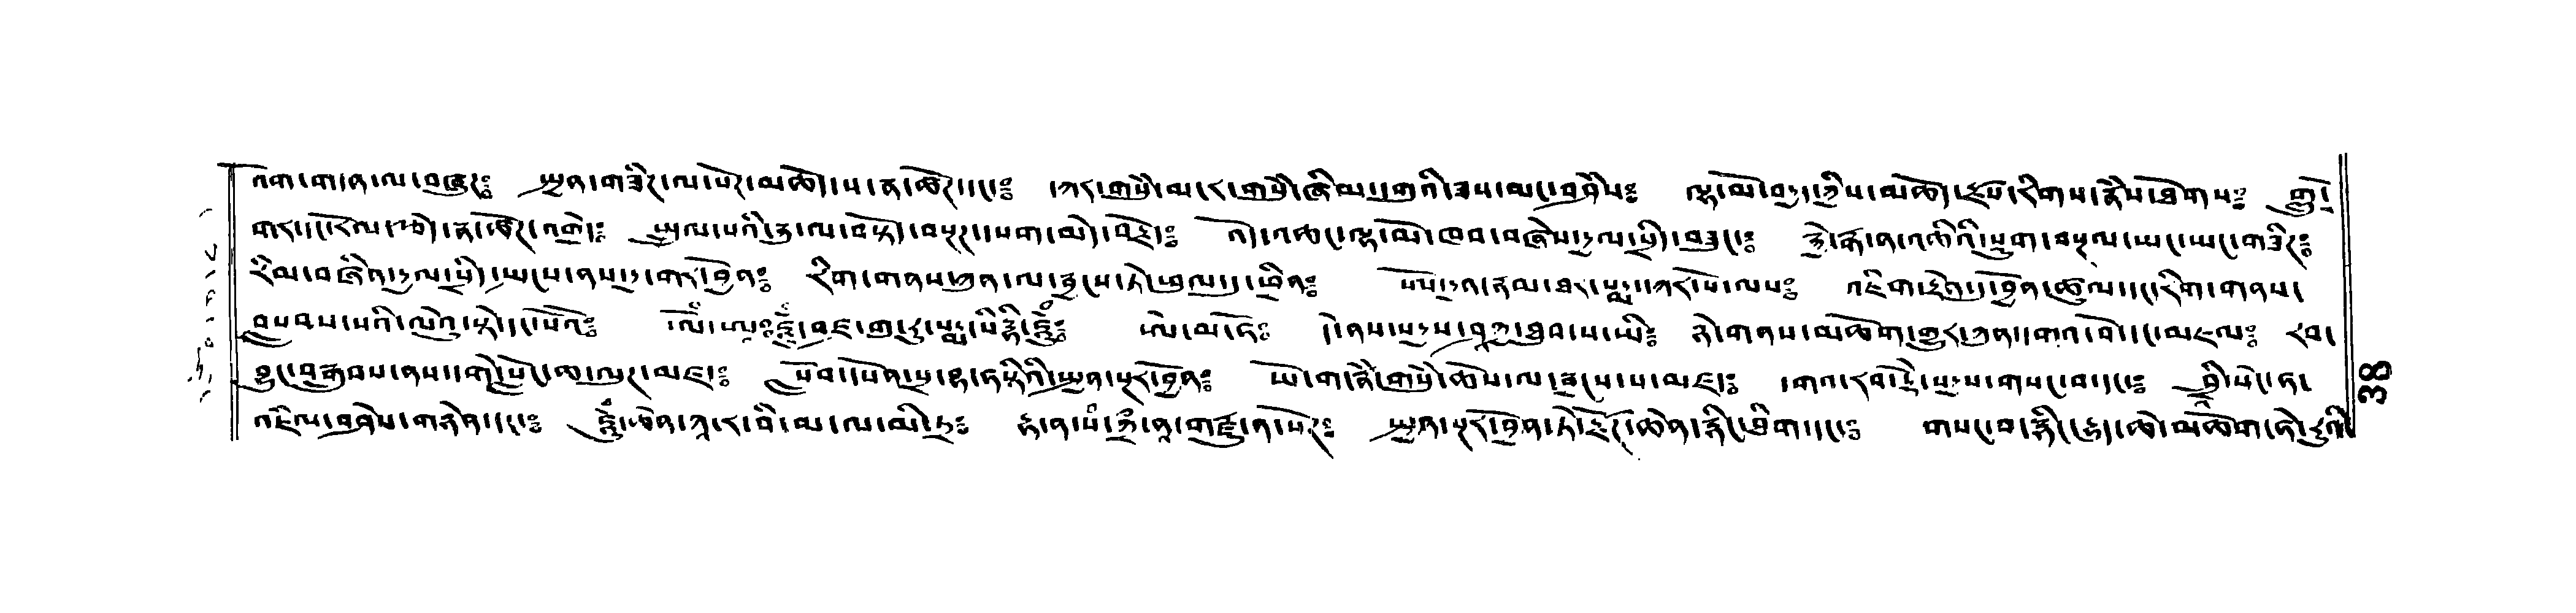འོག་གདན་ལ་བཞུགས༔ སྤྱན་གཟིགས་ལ་སོགས་མཆོད་པ་སྣ་ཚོགས་དང༔ དཀར་གསུམ་མངར་གསུམ་ཞིམ་དགུའི་ཟས་མང་བཤམས༔ ལྷ་མོ་བརྒྱད་ཀྱིས་མཆོད་རྫས་རིགས་རྣམས་ཐོགས༔ གླུ་བྲོ་
གར་དང་རོལ་རྩེད་སྣ་ཚོགས་འགྱེད༔ སྤྲུལ་པའི་སྐུ་ལ་བསྟོད་བསྔགས་དཔག་མེད་བརྗོད༔ འོད་འཆང་ལྷ་མོ་ཁབ་བཞེས་རྒྱལ་སྲིད་བཟུང༔ སྐྱེ་རྒ་ན་འཆིའི་སྡུག་བསྔལ་ཡང་ཡང་གཟིགས༔ 
རིམ་བཞིན་རྒྱལ་སྲིད་སྤངས་ནས་རྒྱ་གར་བྱོན༔ རིག་གནས་ཀུན་ལ་སྦྱངས་ཏེ་ཕུལ་ཏུ་ཕྱིན༔ ཨོ་རྒྱན་རྣམ་ཐར་པདྨ་དཀར་པོ་ལས༔ འཇིག་རྟེན་དུ་བྱོན་ཚུལ་དང་རིག་གནས་
བསླབས་པའི་ལེའུ་སྟེ་དང་པོའོ༔ཨོཾ་ཨཱཿཧཱུྃ་བཛྲ་གུ་རུ་པདྨ་སིདྡྷི་ཧཱུྃ༔ ཨེ་མ་ཧོ༔ དེ་ནས་སངས་རྒྱས་ཤཱཀྱ་ཐུབ་པ་ཡི༔ ཉེ་གནས་མཆོག་གྱུར་ཀུན་དགའ་བོ་དང་མཇལ༔ རབ་
བྱུང་བསྒྲུབས་ནས་དགེ་སློང་ཆ་ལུགས་མཛད༔ སློབ་དཔོན་པྲ་བྷ་ཧསྟིའི་སྤྱན་སྔར་བྱོན༔ ཡོ་ག་རྣམ་གསུམ་ཆོས་ལ་སྦྱངས་པ་མཛད༔ དགའ་རབ་རྡོ་རྗེ་སངས་རྒྱས་གསང་བ་དང༔ ཤྲཱི་སིངྷ་
འཇམ་དཔལ་བཤེས་གཉེན་དང༔ ཧཱུྃ་ཆེན་ཀཱ་ར་བཱི་མ་ལ་མི་ཏྲ༔ དྷ་ན་སཾ་ཀྲྀ་ནཱ་གརྫུ་ན་སོགས༔ སྤྱན་སྔར་བྱོན་ཏེ་རྫོགས་ཆེན་རྙིང་ཐིག་དང༔ གསང་བ་སྙིང་རྒྱུད་ཆེ་མཆོག་ཧེ་རུའི་